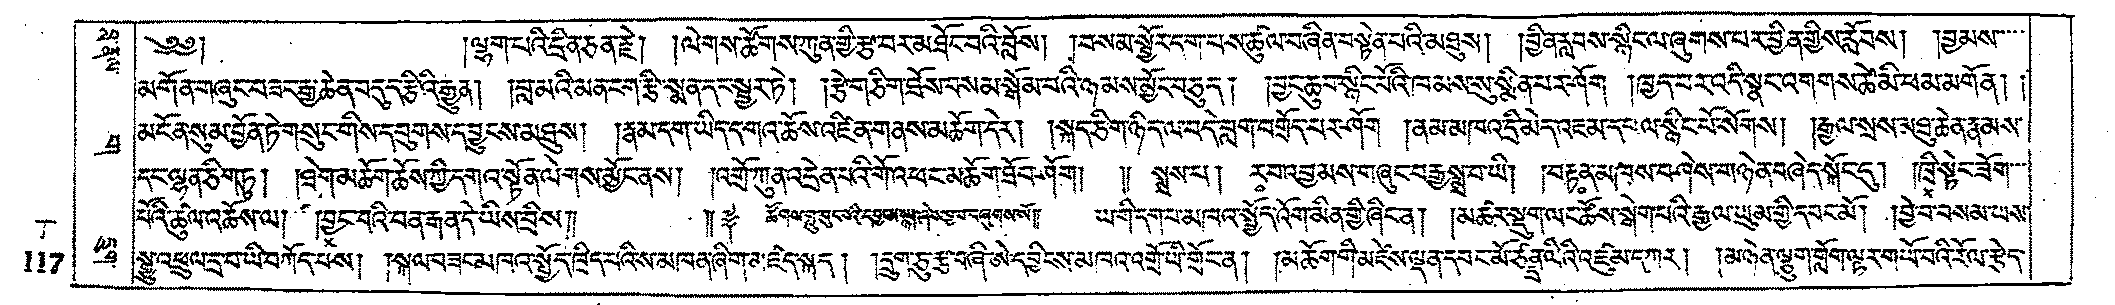༄༅། །ལྷག་པའི་དྲིན་ཅན་རྗེ། །ལེགས་ཚོགས་ཀུན་གྱི་རྩ་བར་མཐོང་བའི་བློས། །བསམ་སྦྱོར་དག་པས་ཚུལ་བཞིན་བསྟེན་པའི་མཐུས། །བྱིན་རླབས་སྙིང་ལ་ཞུགས་པར་བྱིན་གྱིས་རློབས། །བྱམྶ་་་
མགོན་གཞུང་བཟང་རྒྱ་ཆེན་བདུད་རྩིའི་རྒྱུན། །བླ་མའི་མན་ངག་རྩི་སྨན་དང་སྦྱར་ཏེ། །རྩེ་གཅིག་ཐོས་བསམ་སྒོམ་པའི་ཉམས་མྱོང་བཅུད། །བྱང་ཆུབ་སྙིང་པོའི་ཁམས་སུ་སྨིན་པར་ཤོག །ཁྱད་པར་འདི་སྣང་འགགས་ཚེ་མི་ཕམ་མགོན།།
མངོན་སུམ་བྱོན་ཏེ་གསུང་གིས་དབུགས་དབྱུངས་མཐུས། །རྣམ་དག་ཡིད་དགའ་ཆོས་འཛིན་གནས་མཆོག་དེར། །སྐད་ཅིག་ཉིད་ལ་བདེ་བླག་བགྲོད་པར་ཤོག །ནམ་མཁའ་དྲི་མེད་འཇམ་དཔལ་སྙིང་པོ་སོགས། །རྒྱལ་སྲས་མཐུ་ཆེན་རྣམས་
དང་ལྷན་ཅིག་ཏུ། །ཐེག་མཆོག་ཆོས་ཀྱི་དགའ་སྟོན་ལེགས་མྱོང་ནས། །འགྲོ་ཀུན་འདྲེན་པའི་གོ་འཕང་མཆོག་ཐོབ་ཤོག། །།སྨྲས་པ། །རབ྾་འབྱམས་གཞུང་བརྒྱ་སྨྲ་བ་ཡི། །བརྟན྾་མཁས་བཤེས་གཉེན་བཞེད་སྐོང་དུ། །ཁྲི་སྟེང་ཟོག་་་
པོའི་ཚུལ་འཆོས་ལ། །བྱང་བའི་བན་རྒན་དེ་ཡིས་བྲིས།། །།འཚོགས་གླུ་བུང་བའི་དབྱངས་སྙན་ཞེས་བྱ་བ་བཞུགས་སོ།།  ཡ་གི་དག་པ་མཁའ་སྤྱོད་འོག་མིན་གྱི་ཞིང་ན། །མཚར་སྡུག་ལང་ཚོས་སྒེག་པའི་རྒྱལ་ཡུམ་གྱི་དབང་མོ། །བྱེ་བ་བསམ་ཡས་
སྒྱུ་འཕྲུལ་དྲ་བ་ཡི་བཀོད་པས། །སྐལ་བཟང་མཁའ་སྤྱོད་ཁྲིད་པའི་ས་མཁན་ཞིག་མཛད་སྐད། །དྲུག་ཅུ་རྩ་བཞི་ཨེ་དབྱིངས་མཁའ་འགྲོ་ཡི་གྲོང་ན། །མཆོག་གི་མཛེས་ལྡན་དབང་མོ་ཙནྡྲ་ལིའི་འཛུམ་དཀར། །མཉེན་ལྕུག་གློག་ལྟར་གཡོ་བའི་རོལ་རྩེད་